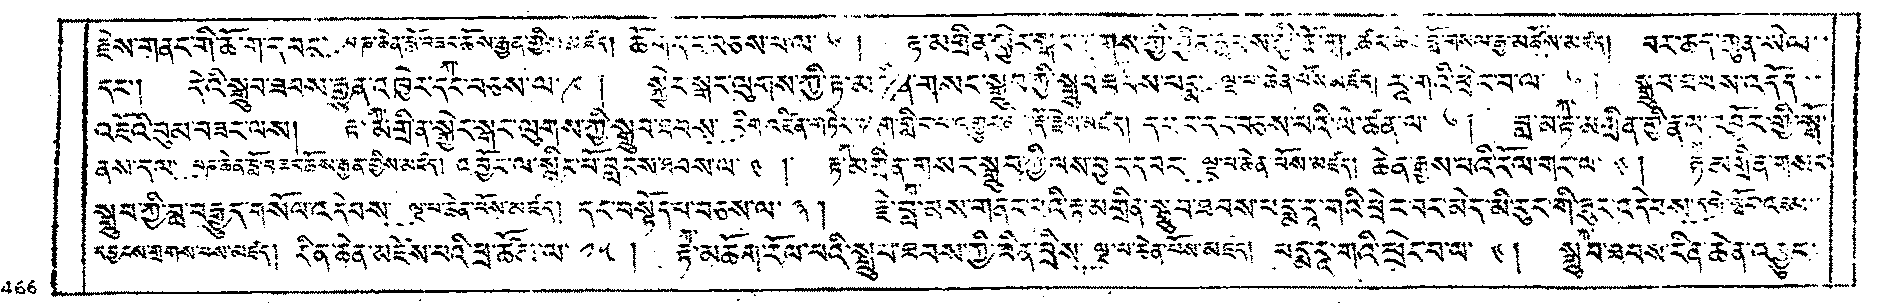རྗེས་གནང་གི་ཆོ་ག་དབང་པཎ་ཆེན་བློ་བཟང་ཆོས་རྒྱན་གྱིས་མཛད།  ཆོག་དང་བཅས་པ་ལ ༦། རྟ་མགྲིན་སྐྱེར་སྒང་ལུགས་ཀྱི་བྱིན་རླབས་ཀྱི་ཆོ་ག་ཚར་ཆེན་བློ་གསལ་རྒྱ་མཚོས་མཛད།  བར་ཆད་ཀུན་སེལ་
དང་། དེའི་སྒྲུབ་ཐབས་རྒྱུན་འཁྱེར་དང་{ཀ}་བཅས་ལ ༩། སྐྱེར་སྒང་ལུགས་ཀྱི་རྟ་མགྲིན་གསང་སྒྲུབ་ཀྱི་སྒྲུབ་ཐབས་{ཀ}་པདམ་ལྔ་པ་ཆེན་པོས་མཛད།  རཱ་གའི་ཕྲེང་བ་ལ ༦། སྒྲུབ་ཐབས་འདོད་
འཇོའི་བུམ་བཟང་ལས། རྟ་{ཀ}་མགྲིན་སྐྱེར་སྒང་ལུགས་ཀྱི་སྒྲུབ་ཐབས་རིག་འཛིན་གཏེར་བདག་གླིང་པ་འགྱུར་མེད་རྡོ་རྗེས་མཛད།  དབང་དང་བཅས་པའི་ལེ་ཚན་ལ ༦། བླ་མ་ཀ་རྟ་མགྲིན་གྱི་རྣལ་འབྱོར་གྱི་སྒོ་
ནས་དལ་པཎ་ཆེན་བློ་བཟང་ཆོས་རྒྱན་གྱིས་མཛད།  འབྱོར་ལ་སྙིང་པོ་བླངས་ཐབས་ལ ༤། ཀ་རྟ་མགྲིན་གསང་སྒྲུབ་ཀྱི་ལས་བྱང་དབང་ལྔ་པ་ཆེན་པོས་མཛད།  ཆེན་རྒྱས་པའི་རོལ་གར་ལ ༤། ཀ་རྟ་མགྲིན་གསང་
སྒྲུབ་ཀྱི་བླ་བརྒྱུད་གསོལ་འདེབས་ལྔ་པ་ཆེན་པོས་མཛད།  དང་བསྟོད་པ་བཅས་ལ ༣། རྗེ་བླ་མས་གནང་བའི་རྟ་མགྲིན་སྒྲུབ་ཐབས་པདམ་རཱ་གའི་ཕྲེང་བར་མེད་མི་རུང་གི་ཟུར་འདེབས་དགེ་སློང་འཇམ་
དབྱངས་གྲགས་པས་མཛད། རིན་ཆེན་མཛེས་པའི་ཕྲ་ཚོམ་ལ ༡༥། {ཀ}་རྟ་མཆོག་རོལ་པའི་སྒྲུབ་ཐབས་ཀྱི་ཟིན་བྲིས་ལྔ་པ་ཆེན་པོས་མཛད།  པདམ་རཱ་གའི་ཕྲེང་བ་ལ ༤། {ཀ}་སྒྲུབ་ཐབས་རིན་ཆེན་འབྱུང་